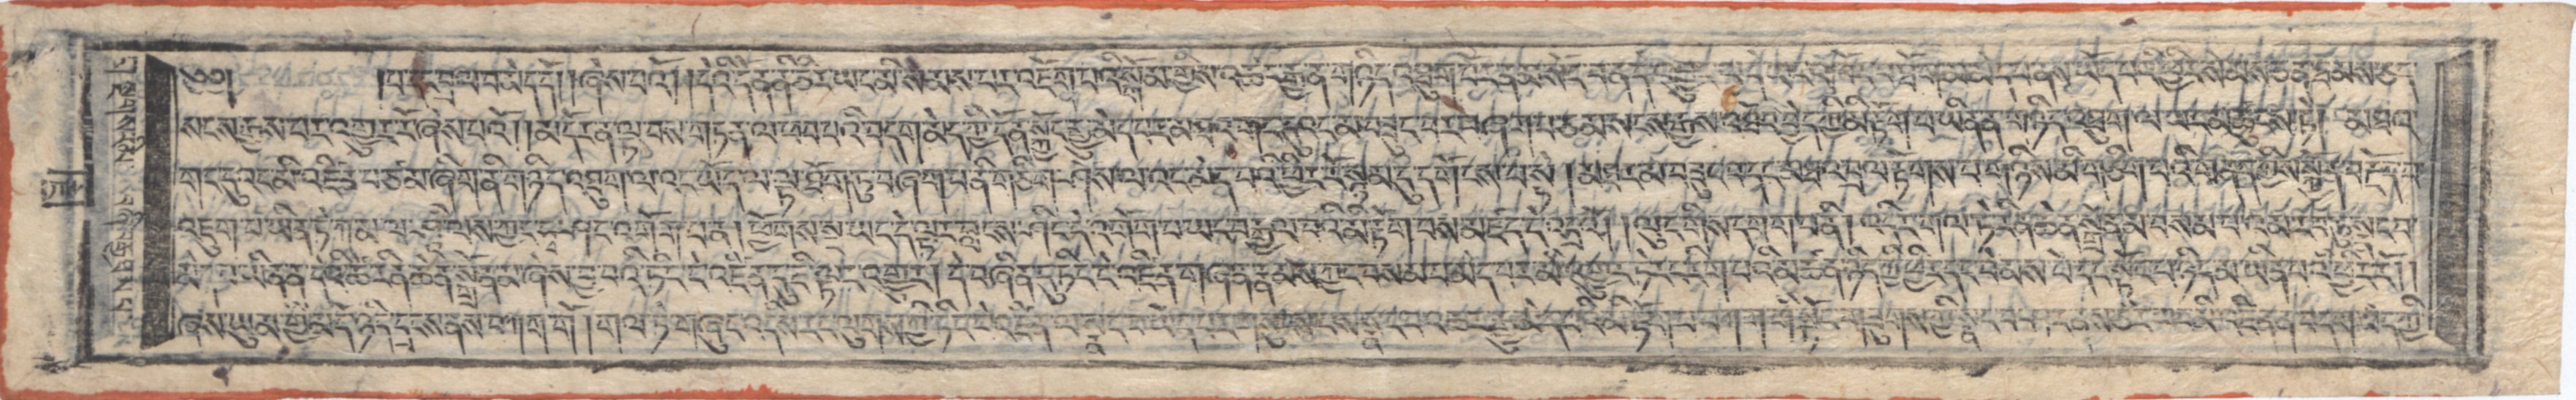༄༅། །པ་དང་བྲལ་བ་མེད་དོ། །ཞེས་པའོ། །དེའི་དོན་ནི་ཅིར་ཡང་མི་སེམས་པར་འཇོག་པའི་སྒོམ་གྱིས་འཚང་རྒྱ་ན་གཉིད་འཐུག་པོར་ནམ་སོང་བ་ན་དེ་འབྱུང་ལ་དེ་ཡང་འཁོར་བ་ཐོག་མ་མེད་པ་ནས་ཡོད་པའི་ཕྱིར་སེམས་ཅན་ཐམས་ཅད་
སངས་རྒྱས་པར་འགྱུར་རོ་ཞེས་པའོ། །མདོར་ན་ལྟ་བས་གཏན་ལ་ཕབ་པའི་བདག་མེད་ཀྱི་དོན་སྐྱོང་རྒྱུ་མེད་པར་མཐའ་གང་དུའང་མ་བཟུང་བར་བཞག་པ་ཙམ་སངས་རྒྱས་འཐོབ་བྱེད་ཀྱི་མི་རྟོག་པ་ཡིན་ན་གཉིད་འཐུག་ལ་ཡང་མཚུངས་ཏེ། མཐའ་
གང་དུའང་མི་འཛིན་པ་ཙམ་ཞིག་ནི་གཉིད་འཐུག་ལ་འང་ཡོད་ལ་ལྟ་ཐོག་ཏུ་བཞག་པ་ནི་གཅིག་ཤོས་ལ་འང་མེད་པའི་ཕྱིར་རོ་སྙམ་དུ་དགོངས་པ་སྟེ། མཐར་མ་བཟུང་བ་དང་མཐའ་བྲལ་རྟོགས་པ་གཉིས་མི་གཅིག་པའི་གནད་ཀྱིས་སྐྱོན་བརྗོད་པ་
འཇུག་པ་ཡིན་ཏེ་ཀ་མ་ལ་ཤཱི་ལས་ཀྱང་ཧྭ་ཤང་འགོག་པ་ན། ཕྱོགས་སྔ་ཡང་དེ་ལྟར་བླངས་ཤིང་དེ་འགོག་པ་ཡང་བརྒྱལ་བའི་མི་རྟོག་པས་མཛད་དེ་འདྲའོ། །ལུང་གིས་དགག་པ་ནི། འདིར་གལ་ཏེ་རིན་ཆེན་སྒྲོན་མ་བསམ་པ་འམ་རབ་ཏུ་སྣང་བ་
མེད་པ་ཡིན་ན་དེའི་ཚེ་རིན་ཆེན་སྒྲོན་མ་ཞེས་བྱ་བའི་ཏིང་ངེ་འཛིན་དུ་ཇི་ལྟར་འགྱུར། དེ་བཞིན་དུ་ཏིང་ངེ་འཛིན་གཞན་རྣམས་ཀྱང་བསམ་པ་མེད་པར་མི་འགྱུར་ཏེ་རང་རིག་པའི་མཚན་ཉིད་ཀྱི་ཕྱིར་དང་བེམས་པོ་དང་སྟོང་པ་ཉིད་མ་ཡིན་པའི་ཕྱིར་རོ། །
ཞེས་ཡུམ་གྱི་མདོ་ཉིད་དྲངས་ནས་བཀག་གོ །གལ་ཏེ་གཞུང་འདིས་རང་ལུགས་ཀྱི་ཏིང་ངེ་འཛིན་ལ་སྣང་བ་ཡོད་པར་གསུངས་པས་སྣང་བ་འཆར་རྒྱུ་མེད་པའི་མི་རྟོག་པ་བཀག་གི་སྟོང་གཟུགས་ཀྱི་སྣང་བ་ཤར་ནས་ཅིར་ཡང་མི་འཛིན་ན་བདག་མེད་ཀྱི་